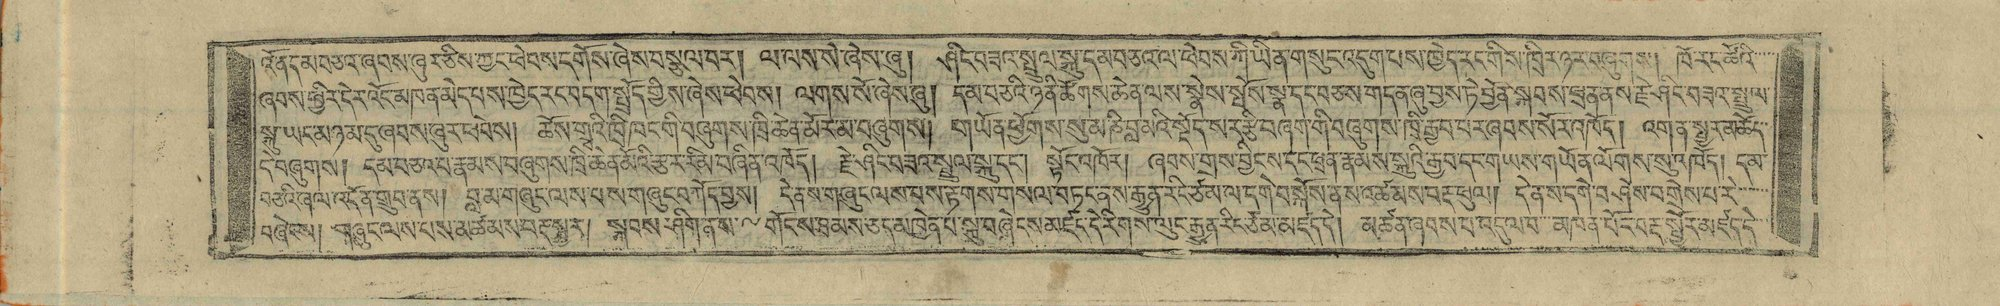འོ་ན་དམ་བཅའ་ཞབས་ཞུར་ཅིས་ཀྱང་ཕེབས་དགོས་ཞེས་བསྩལ་བར། ལ་ལས་སེ་ཞེས་ཞུ། ཤིང་བཟའ་སྤྲུལ་སྐུ་དམ་བཅའ་ལ་ཕེབས་ཀི་ཡིན་གསུང་འདུག་པས་ཁྱེད་རང་གིས་ཁྲིར་ཉར་བཞུགས། ཁོ་རང་ཚོའི་
ཞབས་ཕྱིར་དེར་འོང་མཁན་མེད་པས་ཁྱེད་རང་བདག་སྤྲོད་གྱིས་ཞེས་ཕེབས། ལགས་སོ་ཞེས་ཞུ། དམ་བཅའི་ཉིན་ཚོགས་ཆེན་ལས་སྣེས་སྤོས་སྣ་དང་བཅས་གདན་ཞུ་བྱས་ཏེ་བྱོན་སྐབས་ཕྲན་ནས་རྗེ་ཤིང་བཟའ་སྤྲུལ་
སྐུ་ཡང་མཉམ་དུ་ཞབས་ཞུར་ཕེབས། ཆོས་གྲྭའི་ཁྲི་ཁང་གི་བཞུགས་ཁྲི་ཆེན་མོར་མ་བཞུགས། གཡོན་ཕྱོགས་སུ་མ་ཎི་བླ་མའི་སྡོད་སར་རྩི་བཞག་གི་བཞུགས་ཁྲི་རྒྱབ་པར་ཞབས་སོར་འཁོད། འགན་སྦྱར་མཆོད་
དེ་བཞུགས། དམ་བཅའ་པ་རྣམས་བཞུགས་ཁྲི་ཆེན་མོའི་རྩར་རིམ་བཞིན་འཁོད། རྗེ་ཤིང་བཟའ་སྤྲུལ་སྐུ་དང་། སྟོང་འཁོར། ཞབས་གྲས་བྱིངས་དང་ཕྲན་རྣམས་སྐུའི་རྒྱབ་དང་གཡས་གཡོན་ལོགས་སུ་འཁོད། དམ་
བཅའི་ཞལ་འདོན་གྲུབ་ནས། བླ་མ་གཞུང་ལས་པས་གཞུང་བཀོད་བྱས། དེ་ནས་གཞུང་ལས་པས་རྟགས་གསལ་བཏང་ནས་རྒྱུན་རིང་ཙམ་ལ་དགེ་བསྐོས་ནས་འཚམས་བརྡ་ཕུལ། དེ་ནས་དགེ་བཤེས་བགྲེས་པ་རེ་
བཞེངས། གཞུང་ལས་པས་མཚམས་བརྡ་སྦྱར། སྐབས་ཤིག་ནས་༧གོང་ས་ཐམས་ཅད་མཁྱེན་པ་སྐུ་བཞེངས་མཛད་དེ་རིགས་ལུང་རྒྱུན་རིང་ཙམ་མཛད་དེ། མཚན་ཞབས་པ་འདུལ་བ་མཁན་པོར་བརྡ་སྦྱོར་མཛད་དེ་